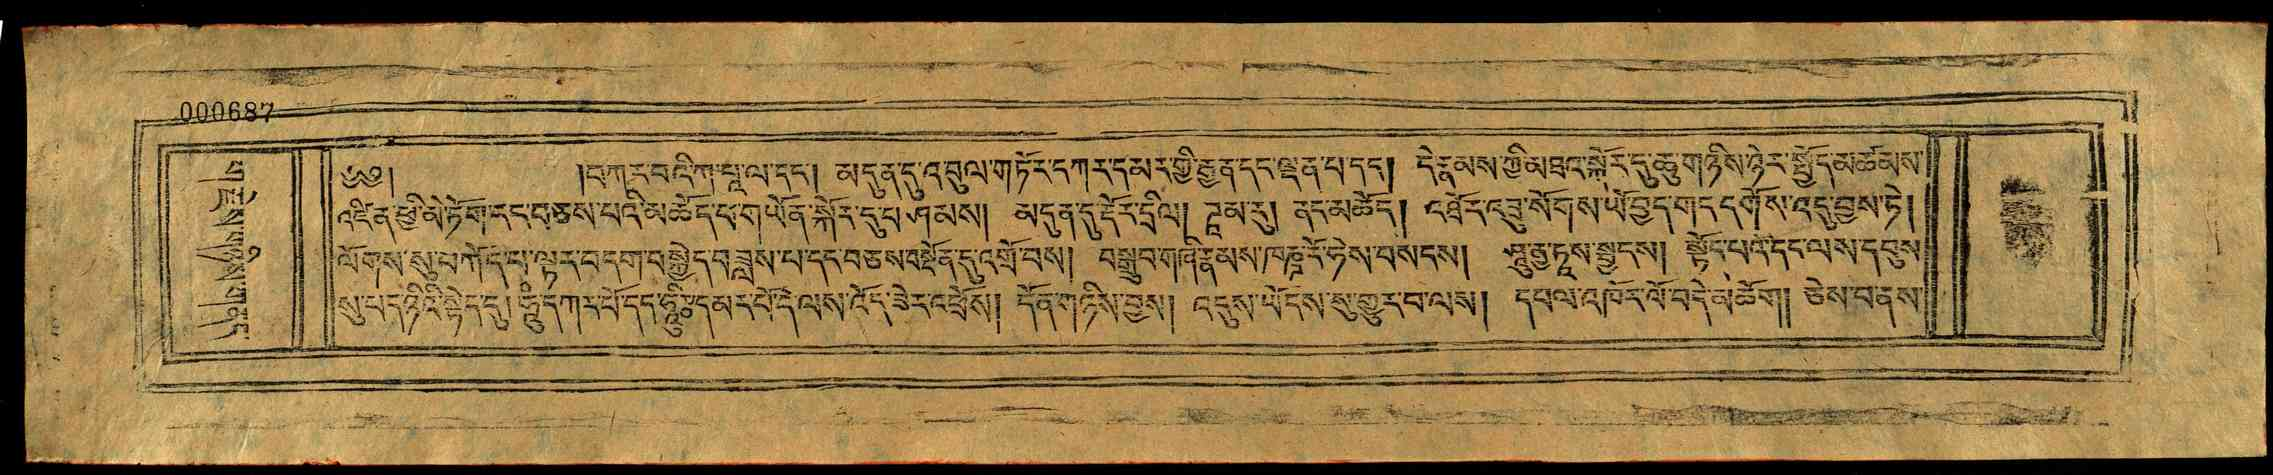༄༅། །བཀང་བའི་ཀ་པཱ་ལ་དང་། མདུན་དུ་འབུལ་གཏོར་དཀར་དམར་གྱི་རྒྱན་དང་ལྡན་པ་དང་། དེ་རྣམས་ཀྱི་མཐའ་སྐོར་དུ་ཆུ་གཉིས་ཉེར་སྤྱོད་མཚམས་
འཛིན་གྱི་མེ་ཏོག་དང་བཅས་པའི་མཆོད་པ་གཡོན་སྐོར་དུ་བཤམས། མདུན་དུ་རྡོར་དྲིལ། ཌཱ་མ་རུ། ནང་མཆོད། འཐོར་འབྲུ་སོགས་ཡོ་བྱད་གང་དགོས་འདུ་བྱས་ཏེ།
ལོགས་སུ་བཀོད་པ་ལྟར་བདག་བསྐྱེད་བཟླས་པ་དང་བཅས་སྔོན་དུ་འགྲོ་བས། བསྒྲུབ་གཞི་རྣམས་ཁཎྜ་རོ་ཧེས་བསངས། ཤཱུ་ནྱ་ཏཱས་སྦྱངས། སྟོང་པའི་ངང་ལས་དབུས་
སུ་པད་ཉིའི་སྟེང་དུ། ཧཱུཾ་དཀར་པོ་དང་ཧྲཱིཿ དམར་པོ་དེ་ལས་འོད་ཟེར་འཕྲོས། དོན་གཉིས་བྱས། འདུས་ཡོངས་སུ་གྱུར་པ་ལས། དཔལ་འཁོར་ལོ་བདེ་མཆོག །ཅེས་པ་ནས་